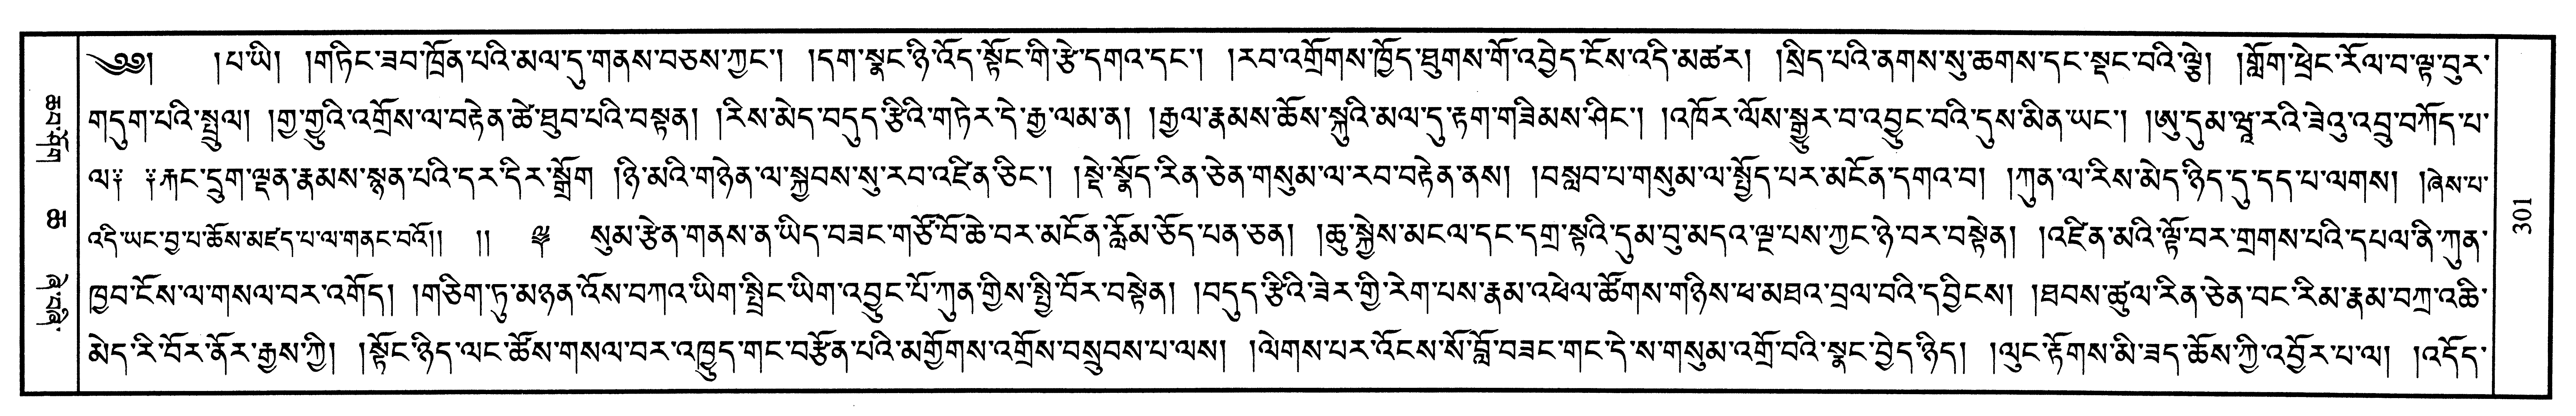༄༅། །པ་ཡི། །གཏིང་ཟབ་ཁྲོན་པའི་མལ་དུ་གནས་བཅས་ཀྱང་། །དག་སྣང་ཉི་འོད་སྟོང་གི་རྩེ་དགའ་དང་། །རབ་འགྲོགས་ཁྱོད་ཐུགས་གོ་འབྱེད་ངོས་འདི་མཚར། །སྲིད་པའི་ནགས་སུ་ཆགས་དང་སྡང་བའི་ལྕེ། །གློག་ཕྲེང་རོལ་བ་ལྟ་བུར་
གདུག་པའི་སྤྲུལ། །གྱ་གྱུའི་འགྲོས་ལ་བརྟེན་ཚེ་ཐུབ་པའི་བསྟན། །རིས་མེད་བདུད་རྩིའི་གཏེར་དེ་རྒྱ་ལམ་ན། །རྒྱལ་རྣམས་ཆོས་སྐུའི་མལ་དུ་རྟག་གཟིམས་ཤིང་། །འཁོར་ལོས་སྒྱུར་བ་འབྱུང་བའི་དུས་མིན་ཡང་། །ཨུ་དུམ་ཝཱ་རའི་ཟེའུ་འབྲུ་བཀོད་པ་
ལ༑ ༑རྐང་དྲུག་ལྡན་རྣམས་སྙན་པའི་དར་དིར་སྒྲོག །ཉི་མའི་གཉེན་ལ་སྐྱབས་སུ་རབ་འཛིན་ཅིང་། །སྡེ་སྣོད་རིན་ཅེན་གསུམ་ལ་རབ་བརྟེན་ནས། །བསླབ་པ་གསུམ་ལ་སྤྱོད་པར་མངོན་དགའ་བ། །ཀུན་ལ་རིས་མེད་ཉིད་དུ་དད་པ་ལགས། །ཞེས་པ་
འདི་ཡང་བྱ་པ་ཆོས་མཛད་པ་ལ་གནང་བའོ།། །། ༈ སུམ་རྩེན་གནས་ན་ཡིད་བཟང་གཙོ་བོ་ཆེ་བར་མངོན་རློམ་ཅོད་པན་ཅན། །ཆུ་སྐྱེས་མངལ་དང་དགྲ་སྟའི་དུམ་བུ་མདའ་ལྔ་པས་ཀྱང་ཉེ་བར་བསྟེན། །འཛིན་མའི་ལྟོ་བར་གྲགས་པའི་དཔལ་ནི་ཀུན་
ཁྱབ་ངོས་ལ་གསལ་བར་འགོད། །གཅིག་ཏུ་མཉན་འོས་བཀའ་ཡིག་སྤྲིང་ཡིག་འབྱུང་པོ་ཀུན་གྱིས་སྤྱི་བོར་བསྟེན། །བདུད་རྩིའི་ཟེར་གྱི་རེག་པས་རྣམ་འཕེལ་ཚོགས་གཉིས་ཕ་མཐའ་བྲལ་བའི་དབྱིངས། །ཐབས་ཚུལ་རིན་ཅེན་བང་རིམ་རྣམ་བཀྲ་འཆི་
མེད་རི་བོར་ནོར་རྒྱས་ཀྱི། །སྟོང་ཉིད་ལང་ཚོས་གསལ་བར་འཁྱུད་གང་བརྩོན་པའི་མགྱོགས་འགྲོས་བསྲུབས་པ་ལས། །ལེགས་པར་འོངས་སོ་བློ་བཟང་གང་དེ་ས་གསུམ་འགྲོ་བའི་སྣང་བྱེད་ཉིད། །ལུང་རྟོགས་མི་ཟད་ཆོས་ཀྱི་འབྱོར་པ་ལ། །འདོད་